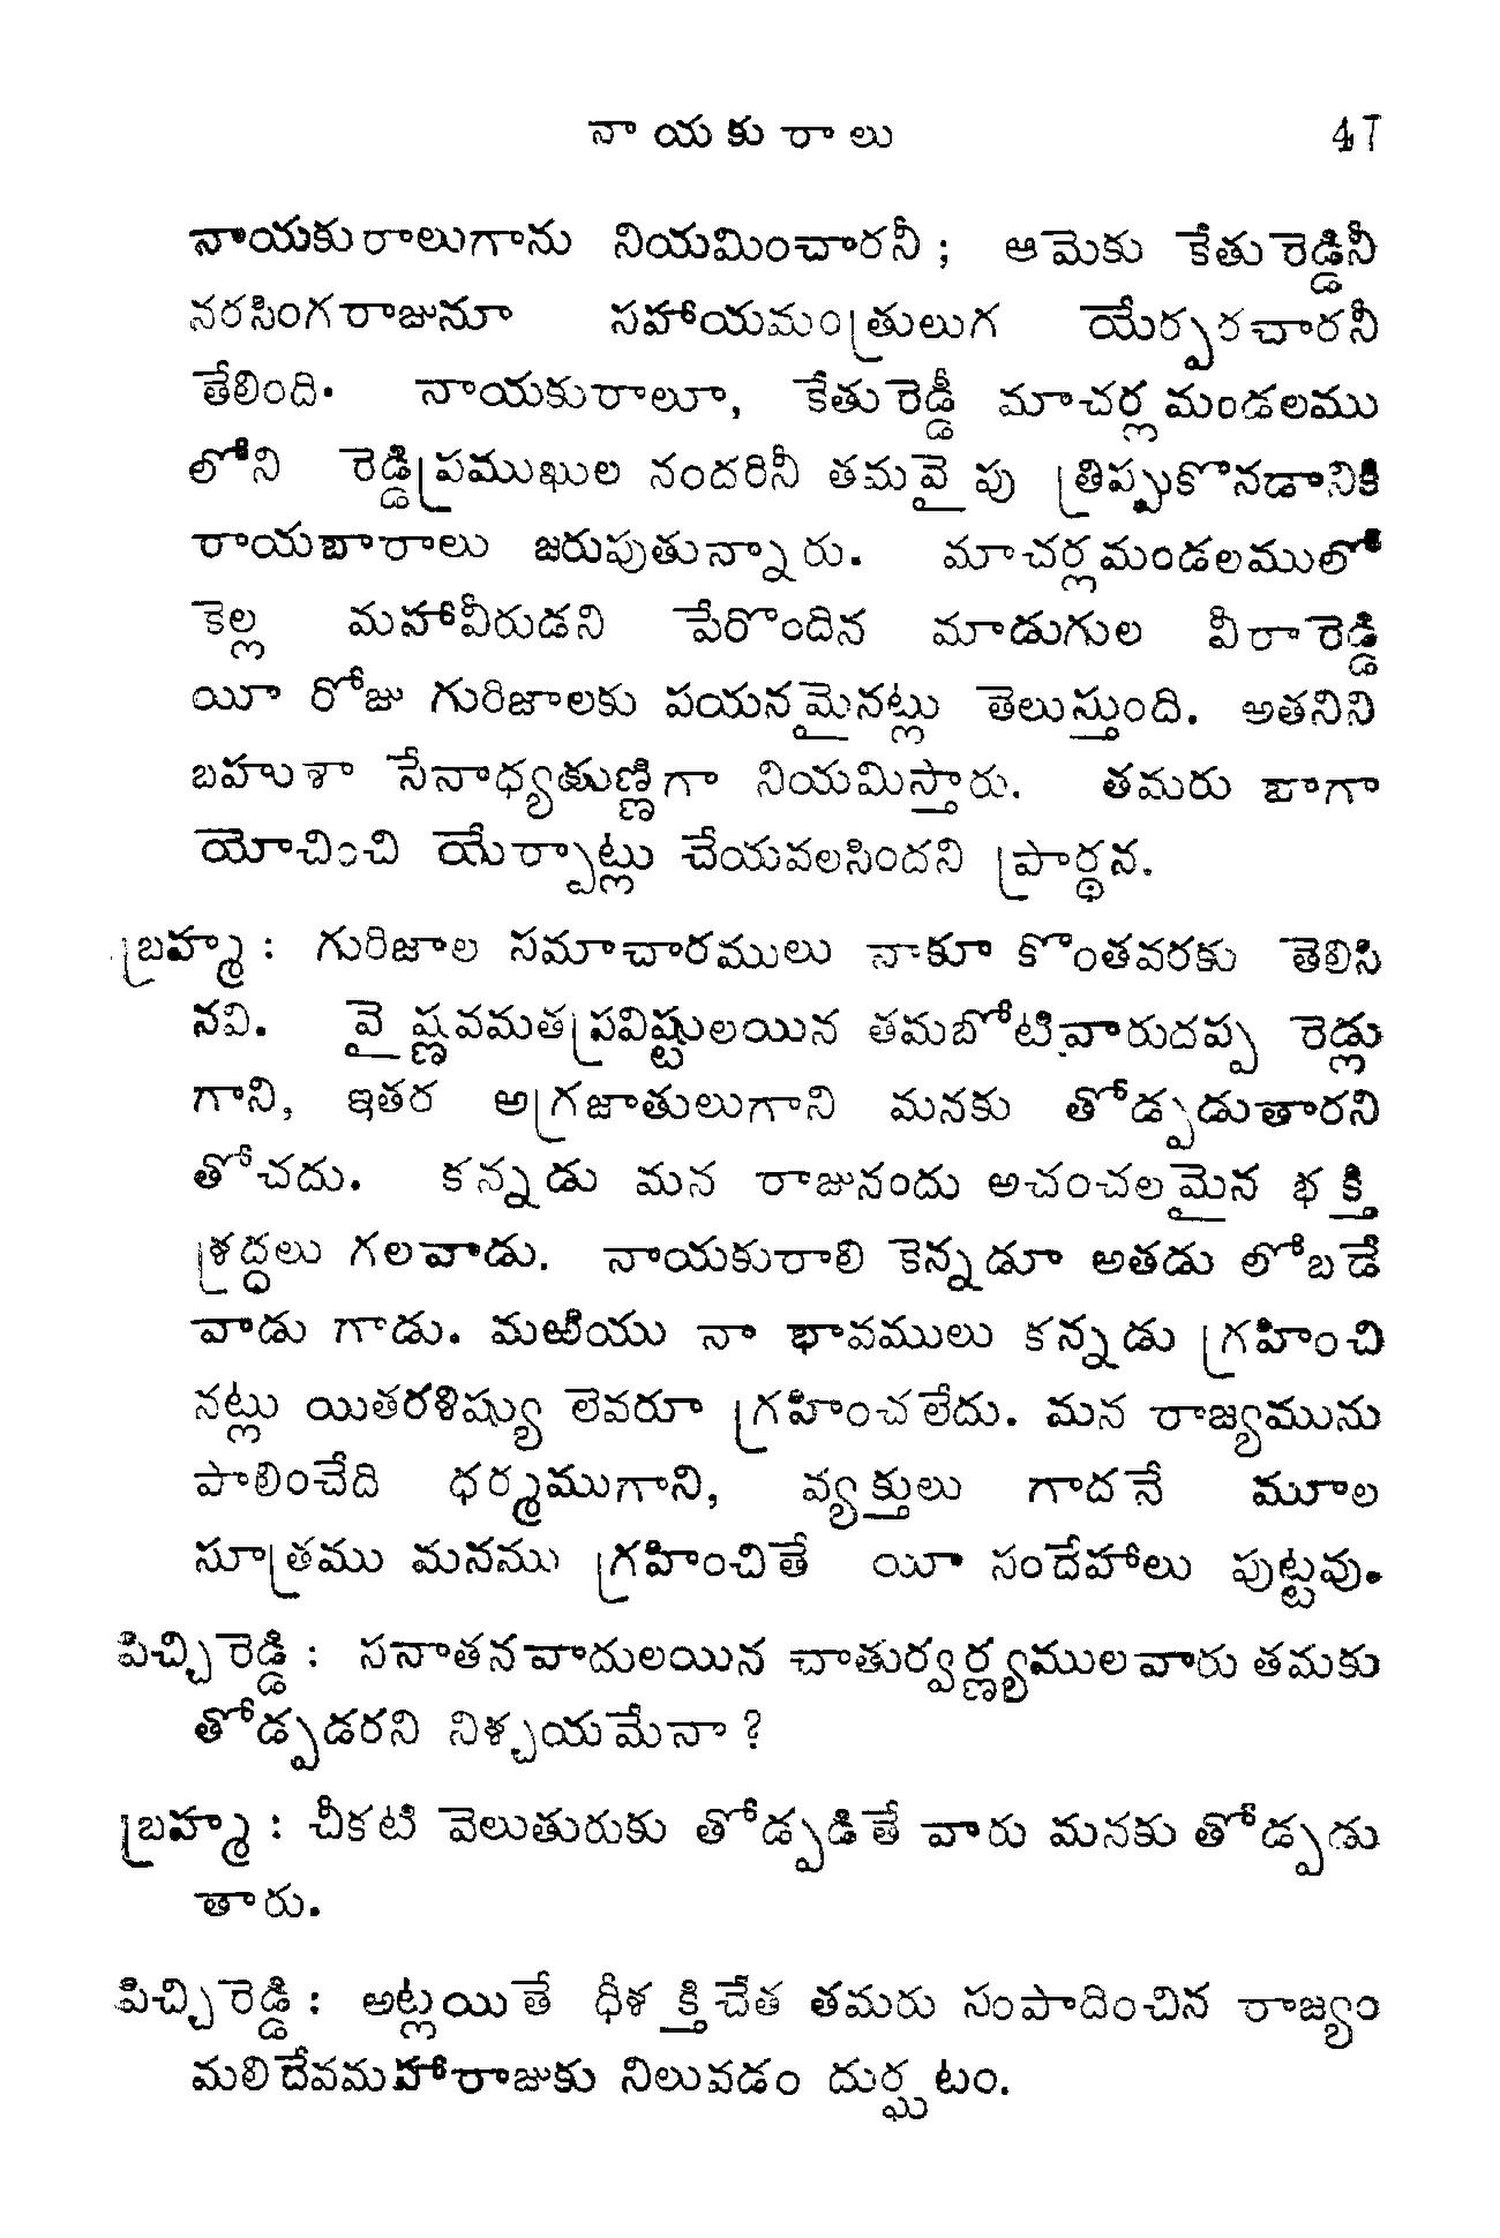నాయకురాలుగాను నియమించారనీ , ఆమెకు కేతురెడ్డినీ నరసింగరాజునూ సహాయమంత్రులుగ యేర్పరచారనీ తేలింది. నాయకురాలూ, కేతురెడ్డీ మాచర్లమండలములోని రెడ్డిప్రముఖుల నందరినీ తమవైపు త్రిప్పుకొనడానికి రాయబారాలు జరుపుతున్నారు. మాచర్లమండలములో కెల్ల మహావీరుడని పేరొందిన మాడుగుల వీరారెడ్డి యీ రోజు గురిజాలకు పయనమైనట్లు తెలుస్తుంది. అతనిని బహుశా సేనాధ్యక్షుణ్ణిగా నియమిస్తారు. తమరు బాగా యోచించి యేర్పాట్లు చేయవలసిందని ప్రార్థన.

బ్రహ్మ : : గురిజాల సమాచారములు నాకూ కొంతవరకు తెలిసినవి. వైష్ణవమతప్రవిష్టులయిన తమబోటివారుదప్ప రెడ్లుగాని, ఇతర అగ్రజాతులుగాని మనకు తోడ్పడుతారని తోచదు. కన్నడు మన రాజునందు అచంచలమైన భక్తిశ్రద్ధలు గలవాడు. నాయకురాలి కెన్నడూ అతడు లోబడేవాడు గాడు. మఱియు నా భావములు కన్నడు గ్రహించినట్లు యితరశిష్యు లెవరూ గ్రహించలేదు. మన రాజ్యమును పాలించేది ధర్మముగాని, వ్యక్తులు గాదనే మూల సూత్రము మనము గ్రహించితే యీ సందేహాలు పుట్టవు.

పిచ్చిరెడ్డి : సనాతనవాదులయిన చాతుర్వర్ణ్యములవారు తమకు తోడ్పడరని నిశ్చయమేనా ?

బ్రహ్మ : చీకటి వెలుతురుకు తోడ్పడితే వారు మనకు తోడ్పడుతారు.

పిచ్చిరెడ్డి : అట్లయితే ధీశక్తిచేత తమరు సంపాదించిన రాజ్యం మలిదేవమహారాజుకు నిలువడం దుర్ఘటం.